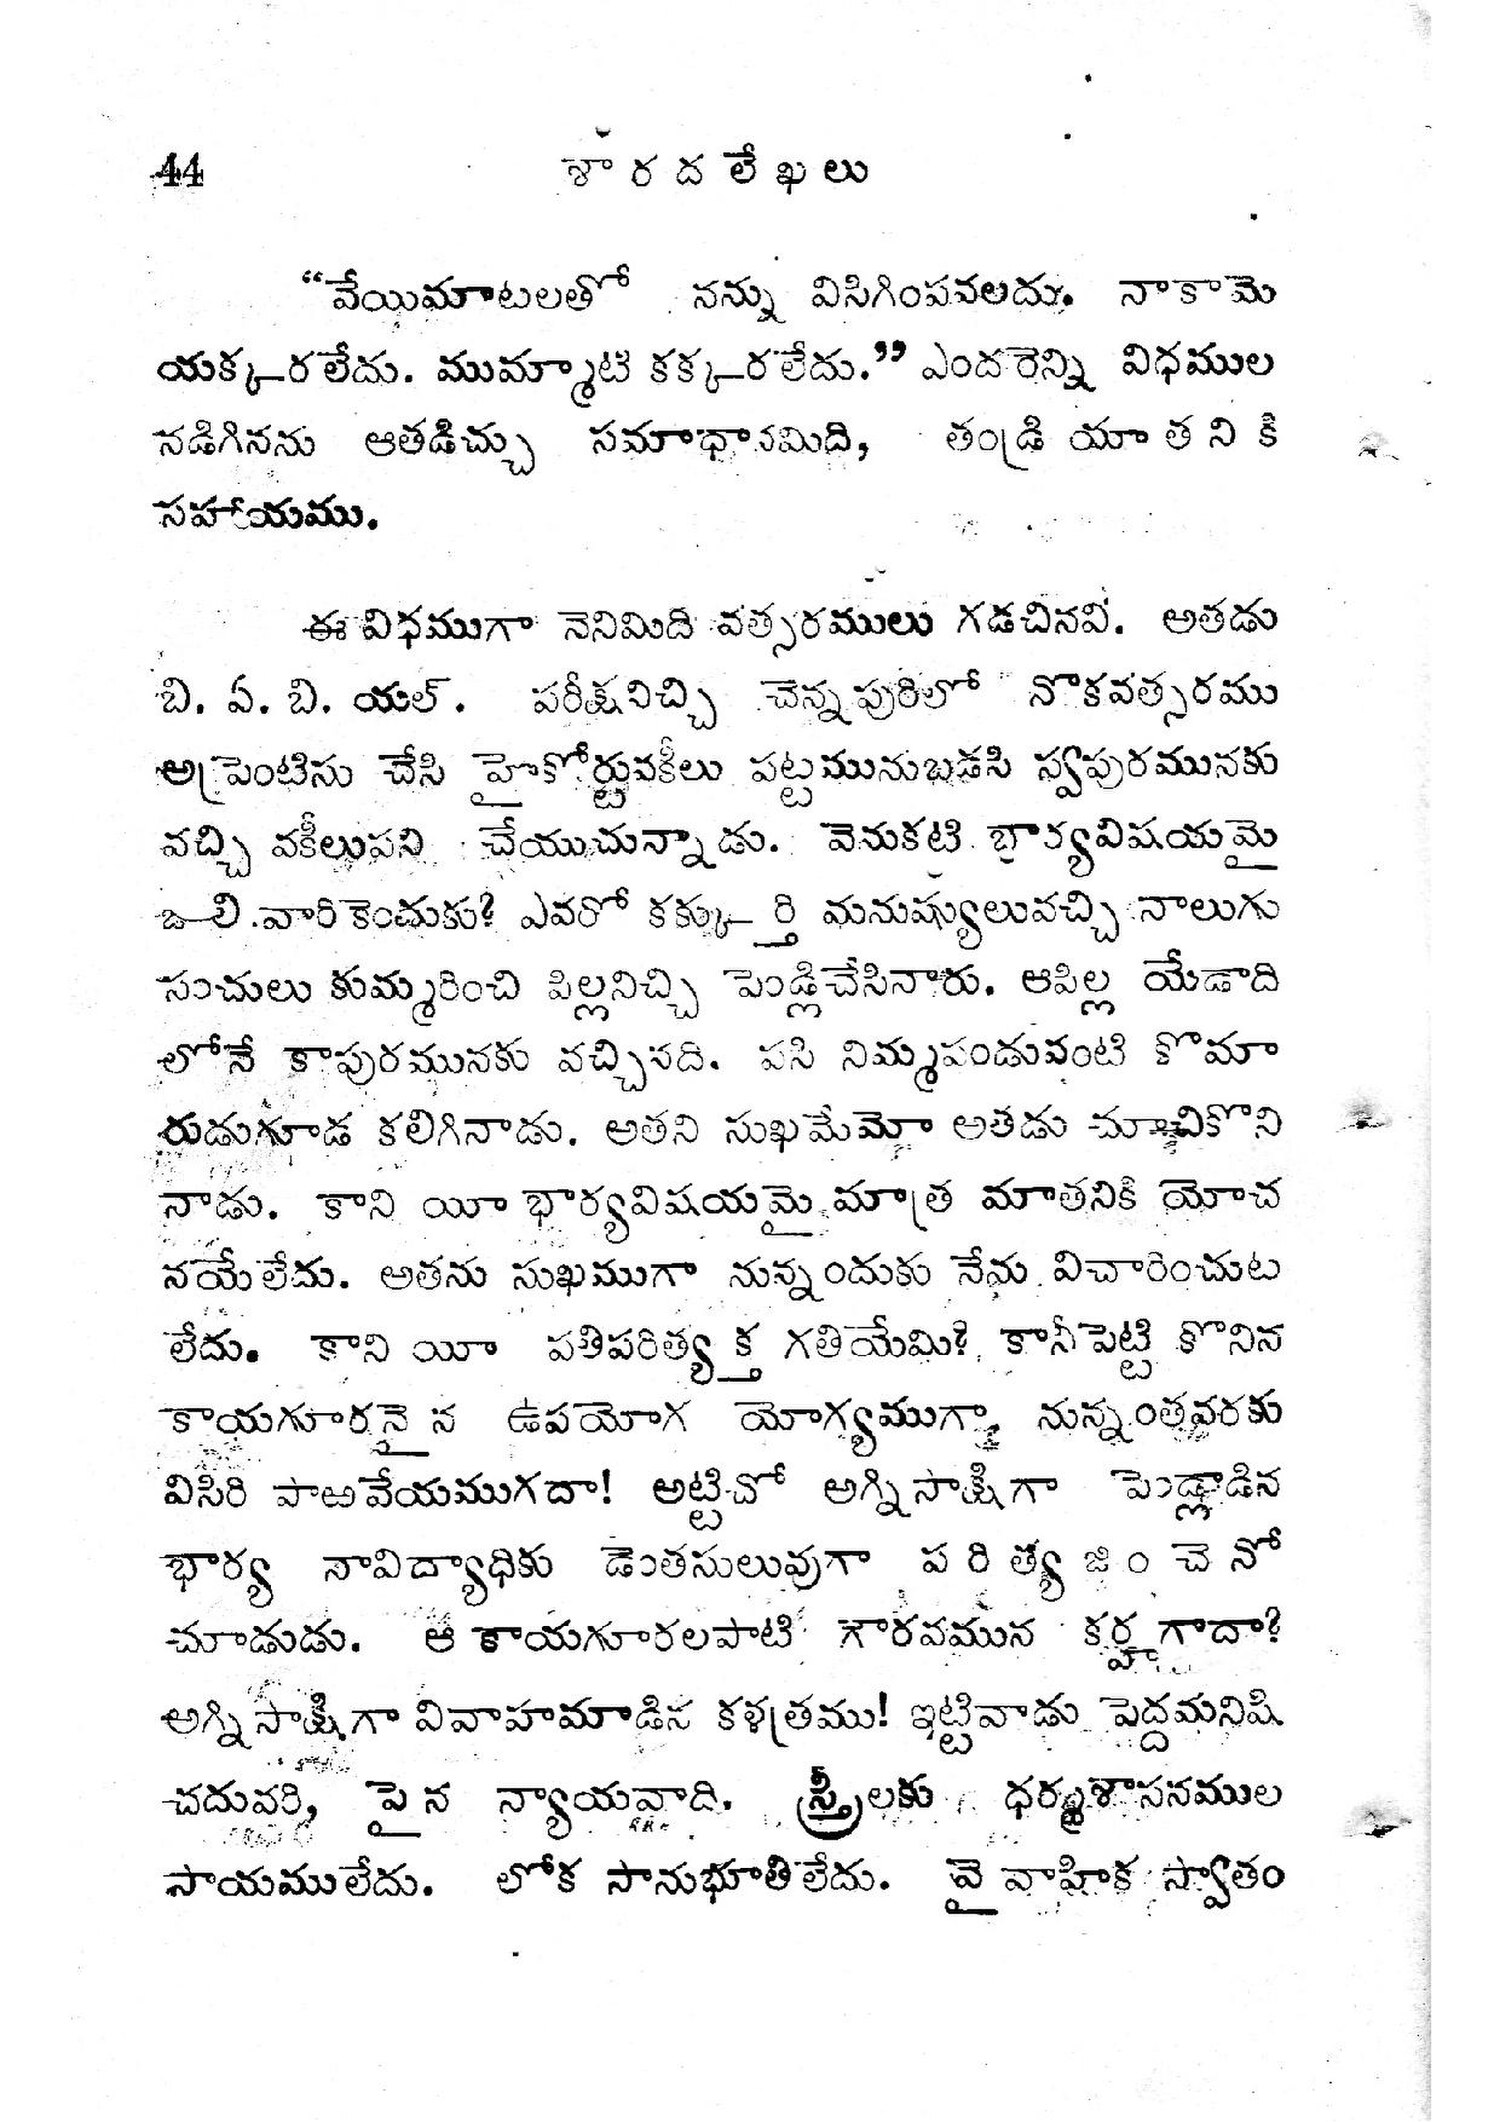"వేయిమాటలతో నన్ను విసిగింపవలదు. నాకామె యక్కరలేదు. ముమ్మాటి కక్కరలేదు.” ఎందరెన్ని విధముల నడిగినను ఆతడిచ్చు సమాధానమిది, తండ్రి యాతనికి సహాయము.

ఈ విధముగా నెనిమిది వత్సరములు గడచినవి. అతడు బి. ఏ. బి. యల్. పరీక్షనిచ్చి చెన్నపురిలో నొకవత్సరము అప్రెంటిసు చేసి హైకోర్టువకీలు పట్టమునుబడసి స్వపురమునకు వచ్చి వకీలుపని చేయుచున్నాడు. వెనుకటి భార్యవిషయమై జాలి వారికెందుకు? ఎవరో కక్కుర్తి మనుష్యులువచ్చి నాలుగు సంచులు కుమ్మరించి పిల్లనిచ్చి పెండ్లిచేసినారు. ఆపిల్ల యేడాదిలోనే కాపురమునకు వచ్చినది. పసి నిమ్మపండువంటి కొమారుడుగూడ కలిగినాడు. అతని సుఖమేమో అతడు చూచికొనినాడు. కాని యీ భార్యవిషయమై మాత్ర మాతనికి యోచనయేలేదు. అతను సుఖముగా నున్నందుకు నేను విచారించుట లేదు. కాని యీ పతిపరిత్యక్త గతియేమి? కానీపెట్టి కొనిన కాయగూరనైన ఉపయోగ యోగ్యముగా నున్నంతవరకు విసిరి పాఱవేయముగదా! అట్టిచో అగ్నిసాక్షిగా పెండ్లాడిన భార్య నావిద్యాధికు డెంతసులువుగా పరిత్యజించెనో చూడుడు. ఆ కాయగూరలపాటి గౌరవమున కర్షగాదా? అగ్నిసాక్షిగా వివాహమాడిన కళత్రము! ఇట్టివాడు పెద్దమనిషి చదువరీ, పైన న్యాయవాది, స్త్రీలకు ధర్మశాసనముల సాయములేదు, లోక సానుభూతిలేదు, వైవాహిక స్వాతం